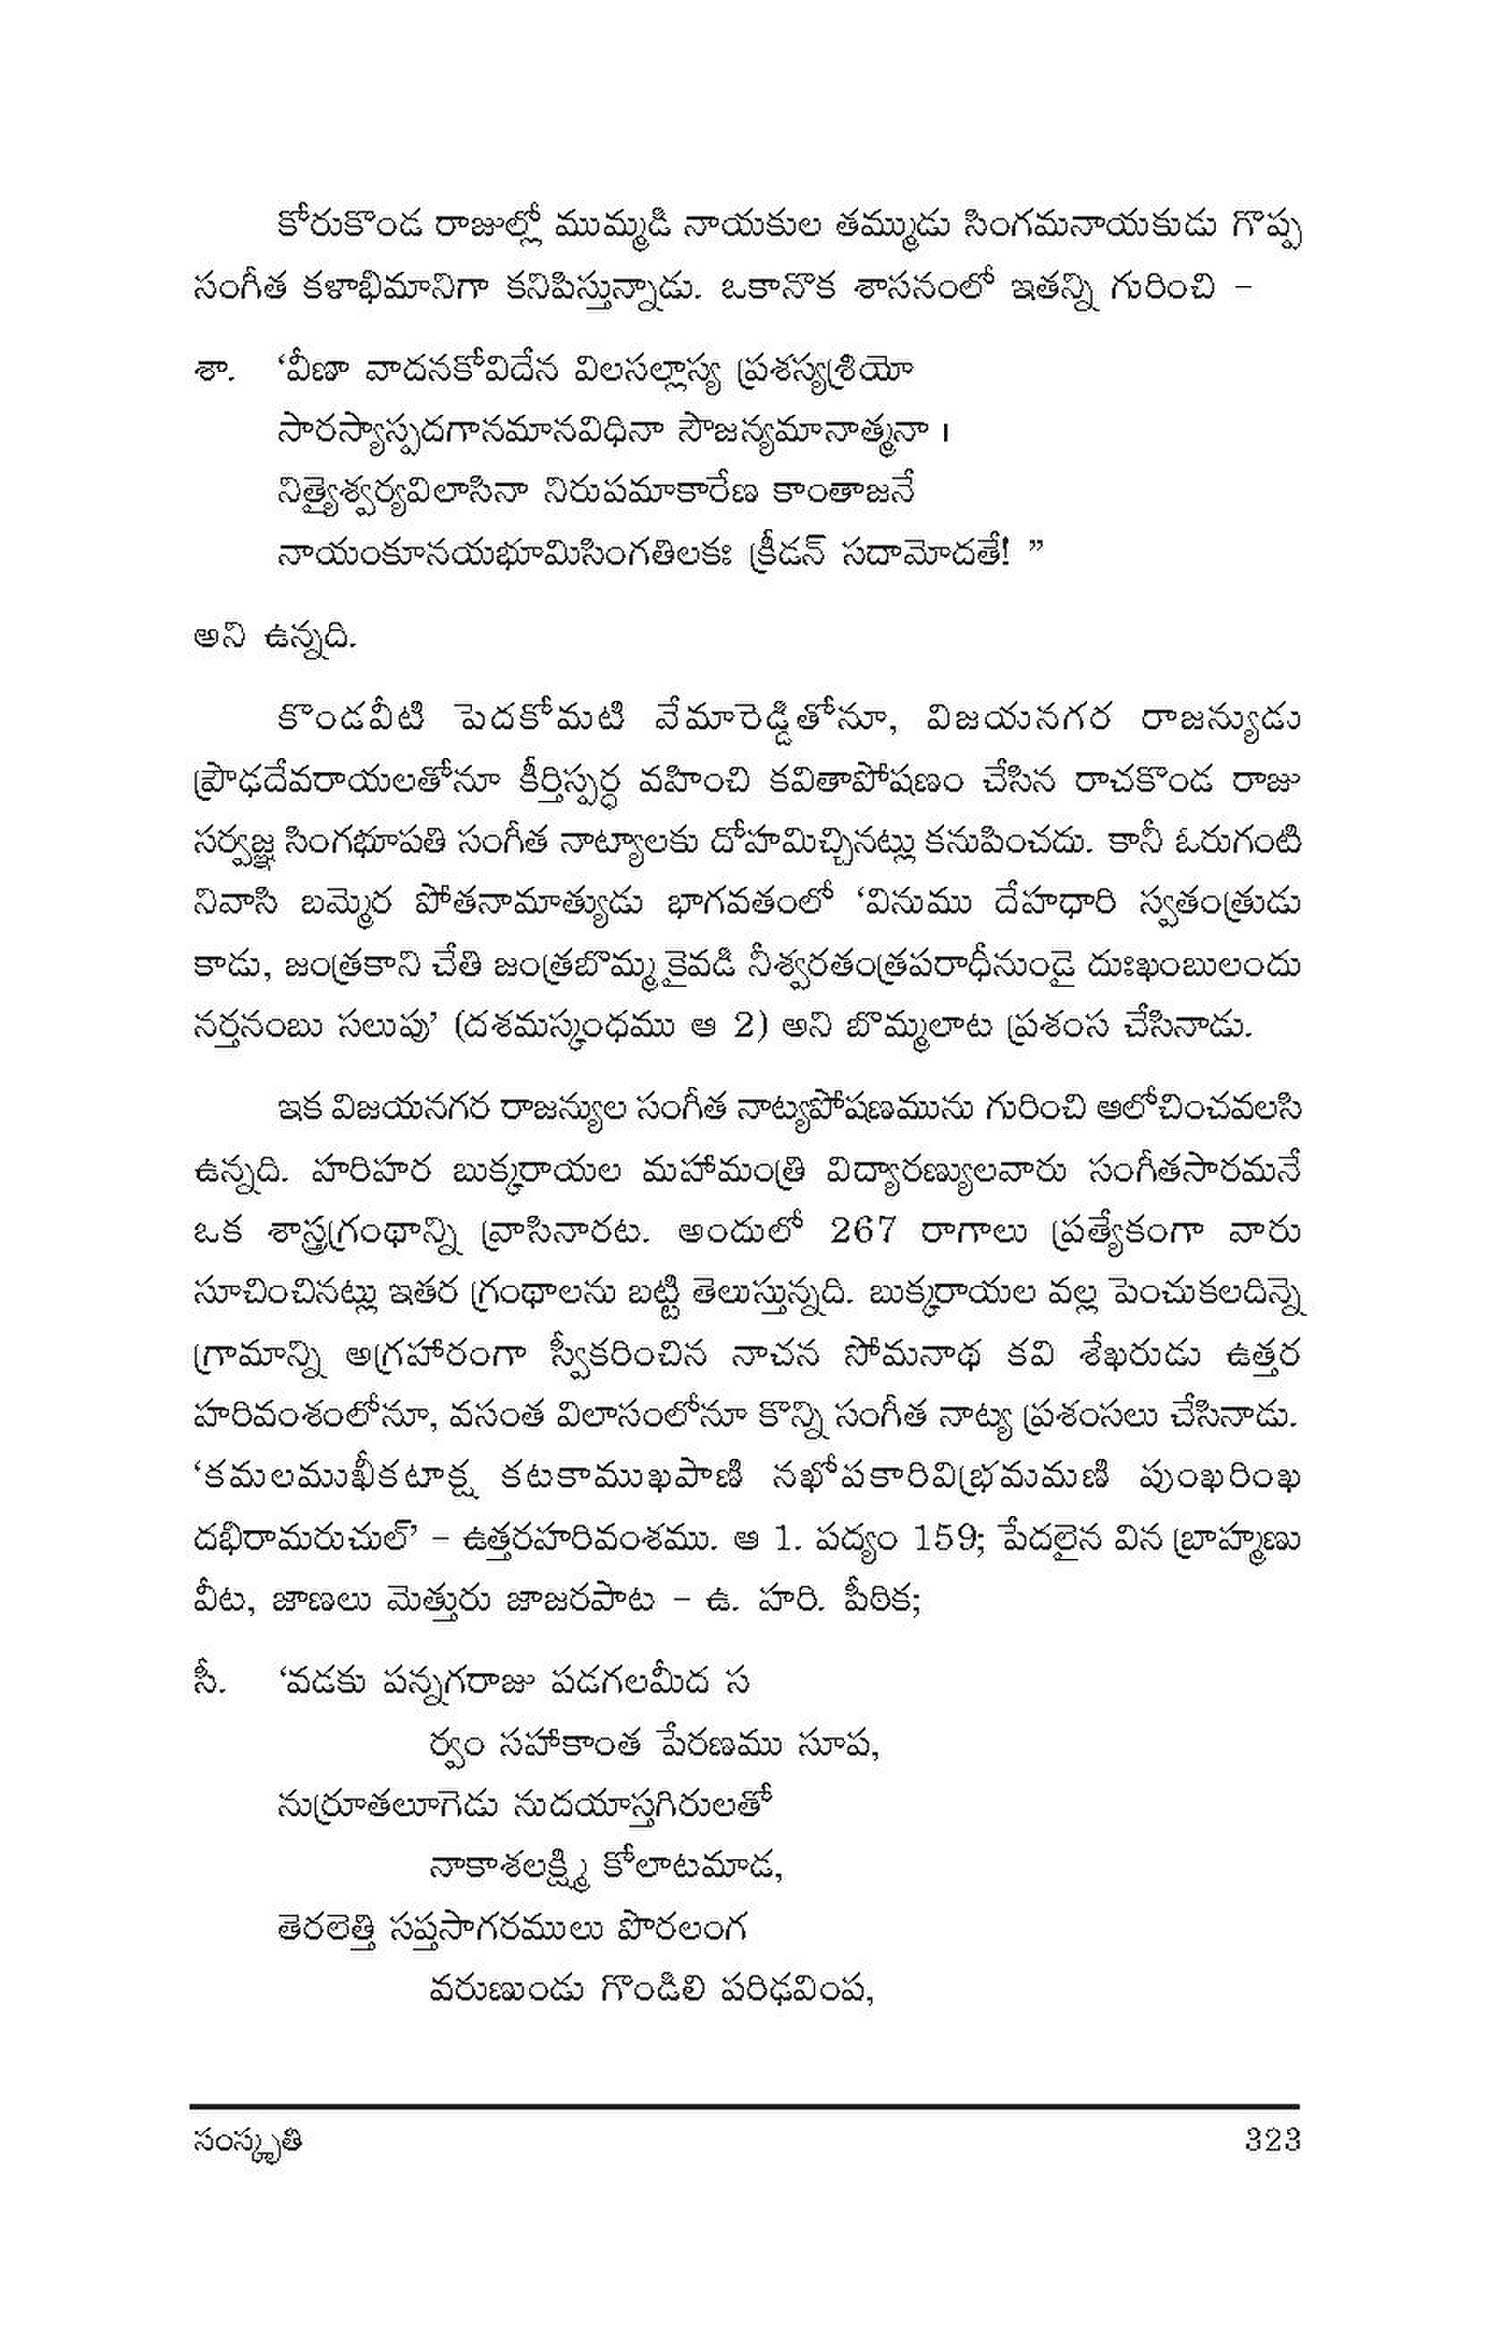కోరుకొండ రాజుల్లో ముమ్మడి నాయకుల తమ్ముడు సింగమనాయకుడు గొప్ప
సంగీత కళాభిమానిగా కనిపిస్తున్నాడు. ఒకానొక శాసనంలో ఇతన్ని గురించి

శా. 'వీణా వాదనకోవిదేన విలసల్లాస్య ప్రశస్యశ్రీయో
సారస్యాస్పదగానమానవిధినా సౌజన్యమానాత్మనా ।
నిత్యైశ్వర్యవిలాసినా నిరుపమాకారేణ కాంతాజనే
నాయంకూనయభూమిసింగతిలకః క్రీడన్ సదామోదతే!

అని ఉన్నది.

కొండవీటి పెదకోమటి వేమారెడ్డితోనూ, విజయనగర రాజన్యుడు
ప్రౌఢదేవరాయలతోనూ కీర్తిస్పర్ధ వహించి కవితాపోషణం చేసిన రాచకొండ రాజు
సర్వజ్ఞ సింగభూపతి సంగీత నాట్యాలకు దోహమిచ్చినట్లు కనుపించదు. కానీ ఓరుగంటి
నివాసి బమ్మెర పోతనామాత్యుడు భాగవతంలో 'వినుము దేహధారి స్వతంత్రుడు
కాడు, జంత్రకాని చేతి జంత్రబొమ్మ కైవడి నీశ్వరతంత్రపరాధీనుండై దుఃఖంబులందు
నర్తనంబు సలుపు' (దశమస్కంధము ఆ 2) అని బొమ్మలాట ప్రశంస చేసినాడు.

ఇక విజయనగర రాజన్యుల సంగీత నాట్యపోషణమును గురించి ఆలోచించవలసి
ఉన్నది. హరిహర బుక్కరాయల మహామంత్రి విద్యారణ్యులవారు సంగీతసారమనే
ఒక శాస్త్రగ్రంథాన్ని వ్రాసినారట. అందులో 267 రాగాలు ప్రత్యేకంగా వారు
సూచించినట్లు ఇతర గ్రంథాలను బట్టి తెలుస్తున్నది. బుక్కరాయల వల్ల పెంచుకలదిన్నె
గ్రామాన్ని అగ్రహారంగా స్వీకరించిన నాచన సోమనాథ కవి శేఖరుడు ఉత్తర
హరివంశంలోనూ, వసంత విలాసంలోనూ కొన్ని సంగీత నాట్య ప్రశంసలు చేసినాడు.
‘కమలముఖీ కటాక్ష కటకాముఖపాణి నభోపకారివిభ్రమమణి పుంఖరింఖ
దభిరామరుచుల్' - ఉత్తరహరివంశము. ఆ 1. పద్యం 159; పేదలైన విన బ్రాహ్మణు
వీట, జాణలు మెత్తురు జాజరపాట - ఉ. హరి. పీఠిక;

సీ. 'వడకు పన్నగరాజు పడగలమీద స
ర్వం సహాకాంత పేరణము సూప,
నుర్రూతలూగెడు నుదయాస్తగిరులతో
నాకాశలక్ష్మి కోలాటమాడ,
తెరలెత్తి సప్తసాగరములు పొరలంగ
వరుణుండు గొండిలి పరిఢవింప,